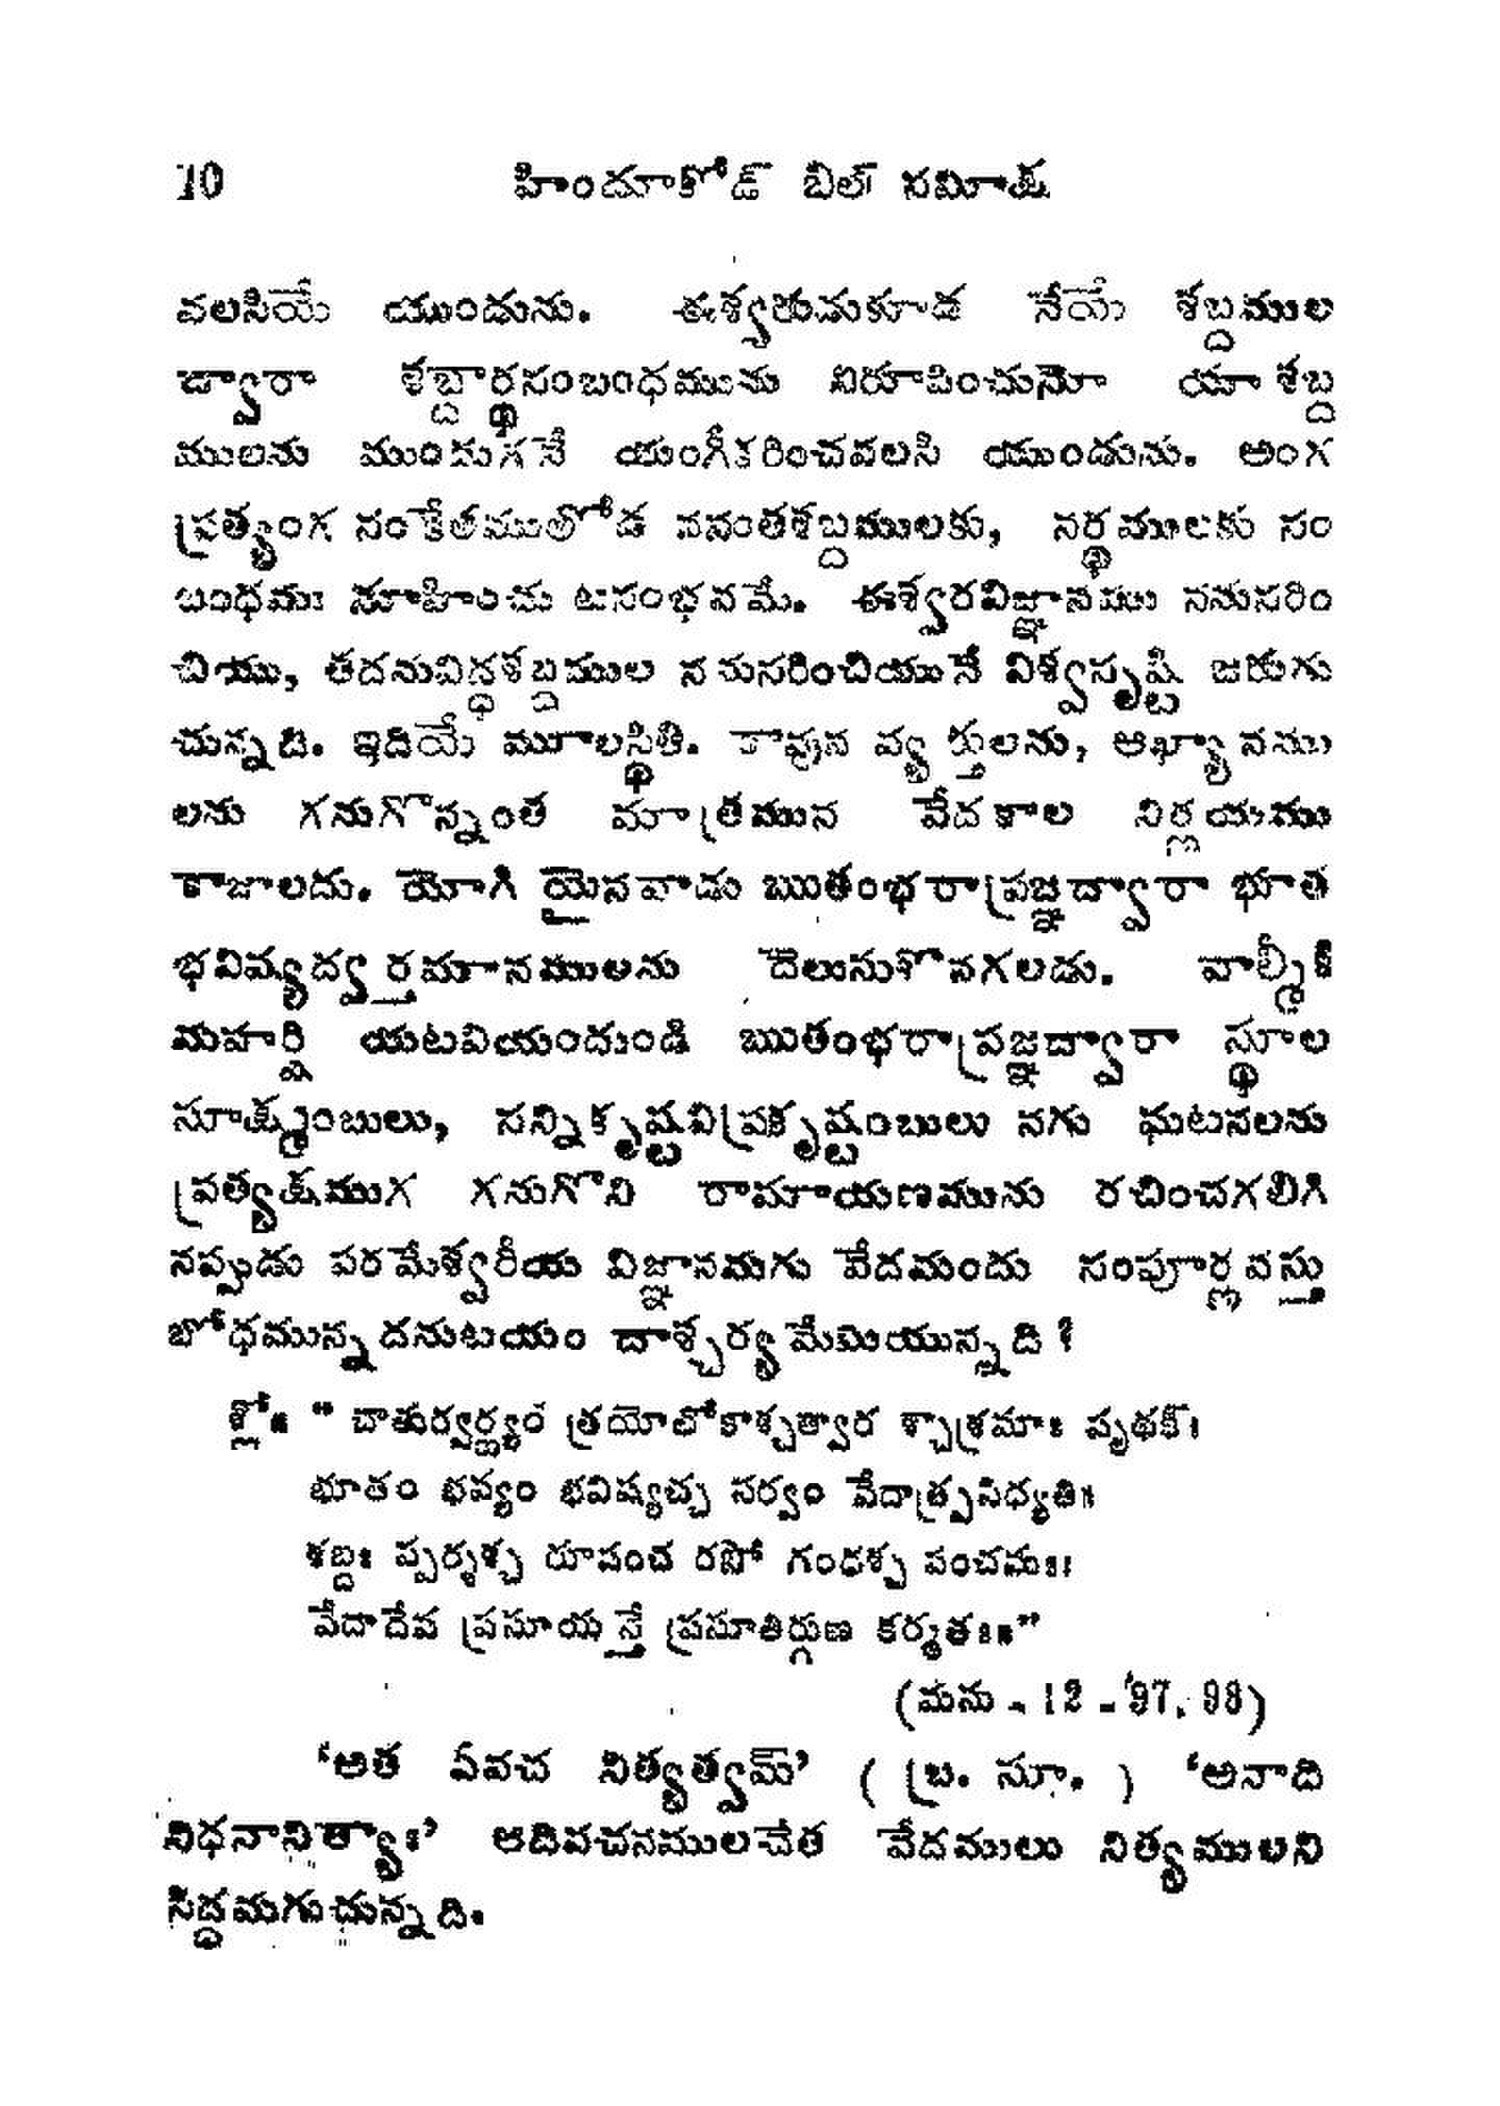వలసియే యుండును. ఈశ్వరుడుకూడ నేయే శబ్దముల
ద్వారా శబ్దారసంబంధమును నిరూపించునో యా శబ్దములను 
ముందుగనే యంగీకరించవలసి యుండును. అంగ
ప్రత్యంగ సంకేతముతోడ ననంతశబ్దములకు, నర్థములకు సంబంధము 
నూహించు టసంభవమే. ఈశ్వర విజ్ఞానము ననుసరించియు, 
తదనువిద్ధశబ్దముల ననుసరించియునే విశ్వసృష్టి జరుగు
చున్నది. ఇదియే మూలస్థితి. కావున వ్యక్తులను, ఆఖ్యానము
లను గనుగొన్నంత మాత్రమున వేదకాల నిర్ణయము కాజాలదు. 
యోగి యైన వాడు ఋతంభరాప్రజ్ఞ ద్వారా 
భూతభవిష్యద్వర్తమానములను దెలుసుకొనగలడు. వాల్మీకి
మహర్షి యటవియందుండి ఋతంభరా ప్రజ్ఞద్వారా స్థూల
సూక్ష్మంబులు, సన్నికృష్టవిప్రకృష్టంబులు నగు ఘటనలను
ప్రత్యక్షముగ గనుగొని రామాయణమును రచించగలిగి
నప్పుడు పరమేశ్వరీయ విజ్ఞానమగు వేదమందు సంపూర్ణ వస్తు
బోధమున్నదనుటయందాశ్చర్య మేమియున్నది?

శ్లో॥ "చాతుర్వర్ణ్యం త్రయోలోకాశ్చత్వార శ్చాశ్రమాః పృథక్ |
 భూతం భవ్యం భవిష్యచ్ఛ సర్వం వేదాత్ప్రసిధ్యతి |
 శబ్దః స్పర్శశ్చ రూపంచ రసో గంధశ్చ పంచమః ।
 వేదాదేవ ప్రసూయన్తే ప్రసూతిర్గుణ కర్మతః॥"
 (మను - 12 - 97, 38)

'అత ఏవచ నిత్యత్వమ్' (బ్ర. సూ.) 'అనాది నిధనానిత్యాః'
ఆదివచనములచేత వేదములు నిత్యములని
సిద్ధమగుచున్నది.